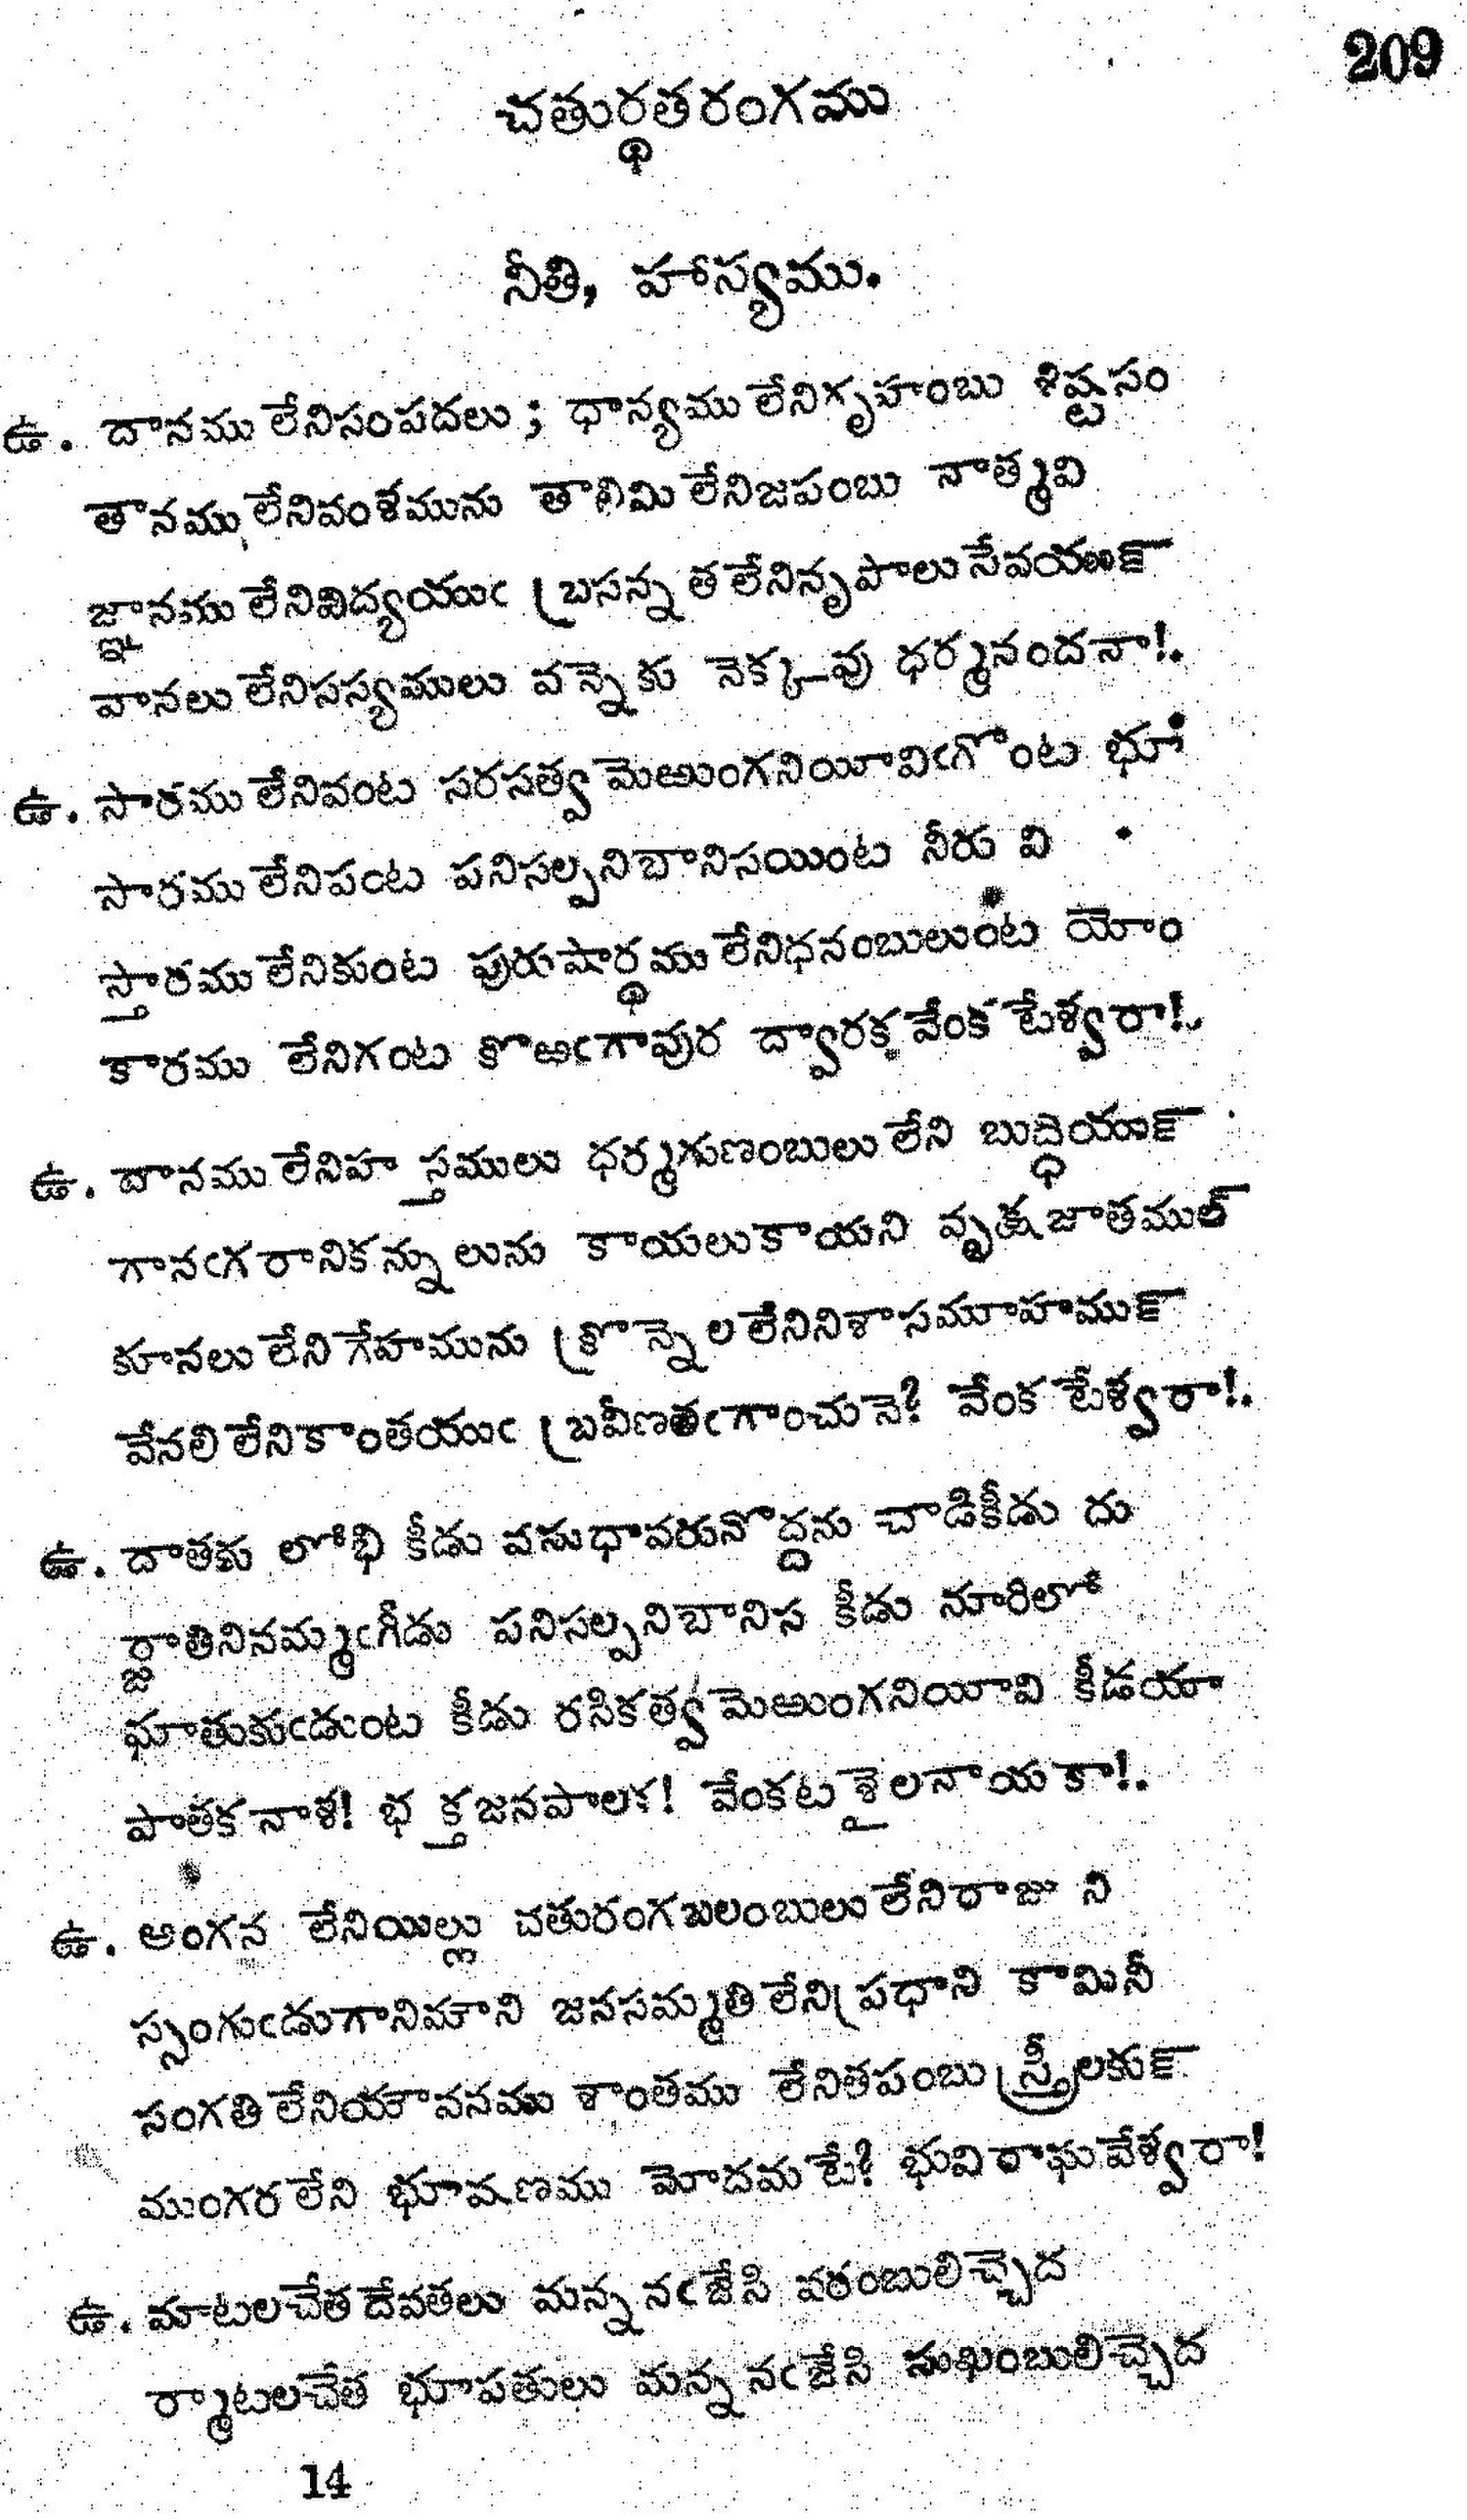ఉ. దానములేనిసంపదలు; ధాన్యములేనిగృహంబు శిష్టసం
 తానములేనివంశమును తాలిమిలేనిజపంబు నాత్మవి
 జ్ఞానములేనివిద్యయుఁ బ్రసన్నతలేనినృపాలుసేవయున్
 వానలులేనిసస్యములు వన్నెకు నెక్కవు ధర్మనందనా!

ఉ. సారములేనివంట సరసత్వమెఱుంగనియీవిఁగొంట భూ
 సారములేనిపంట పనిసల్పనిబానిసయింట నీరు వి
 స్తారములేనికుంట పురుషార్థములేనిధనంబులుంట యోం
 కారములేనిగంట కొఱఁగావుర ద్వారకవేంకటేశ్వరా!

ఉ. దానములేనిహస్తములు ధర్మగుణంబులులేనిబుద్ధియున్
 గానఁగరానికన్నులును కాయలుకాయని వృక్షజాతముల్
 కూనలులేనిగేహమును క్రొన్నెలలేనినిశాసమూహమున్
 వేనలిలేనికాంతయుఁ బ్రవీణతఁ గాంచునె? వేంకటేశ్వరా!

ఉ. దాతకు లోభి కీడు వసుధావరునొద్దను చాడికీడు దు
 ర్జాతినినమ్మఁగీడు పనిసల్పనిబానిస కీడు నూరిలో
 ఘాతుకుఁడుంట కీడు రసికత్వమెఱుంగనియీవి కీడయా
 పాతకనాశ! భక్తజనపాలక! వేంకటశైలనాయకా!

ఉ. అంగనలేనియిల్లు చతురంగబలంబులులేనిరాజు ని
 స్సంగుఁడుగానిమౌని జనసమ్మతిలేనిప్రధాని కామినీ
 సంగతిలేనియౌవనము శాంతములేనితపంబు స్త్రీలకున్
 ముంగరలేనిభూషణము మోదమటే? భువి రాఘవేశ్వరా!

ఉ. మాటలచేత దేవతలు మన్ననఁ జేసి వరంబు లిచ్చెద
 ర్మాటలచేత భూపతులు మన్ననఁ జేసి సుఖంబు లిచ్చెద